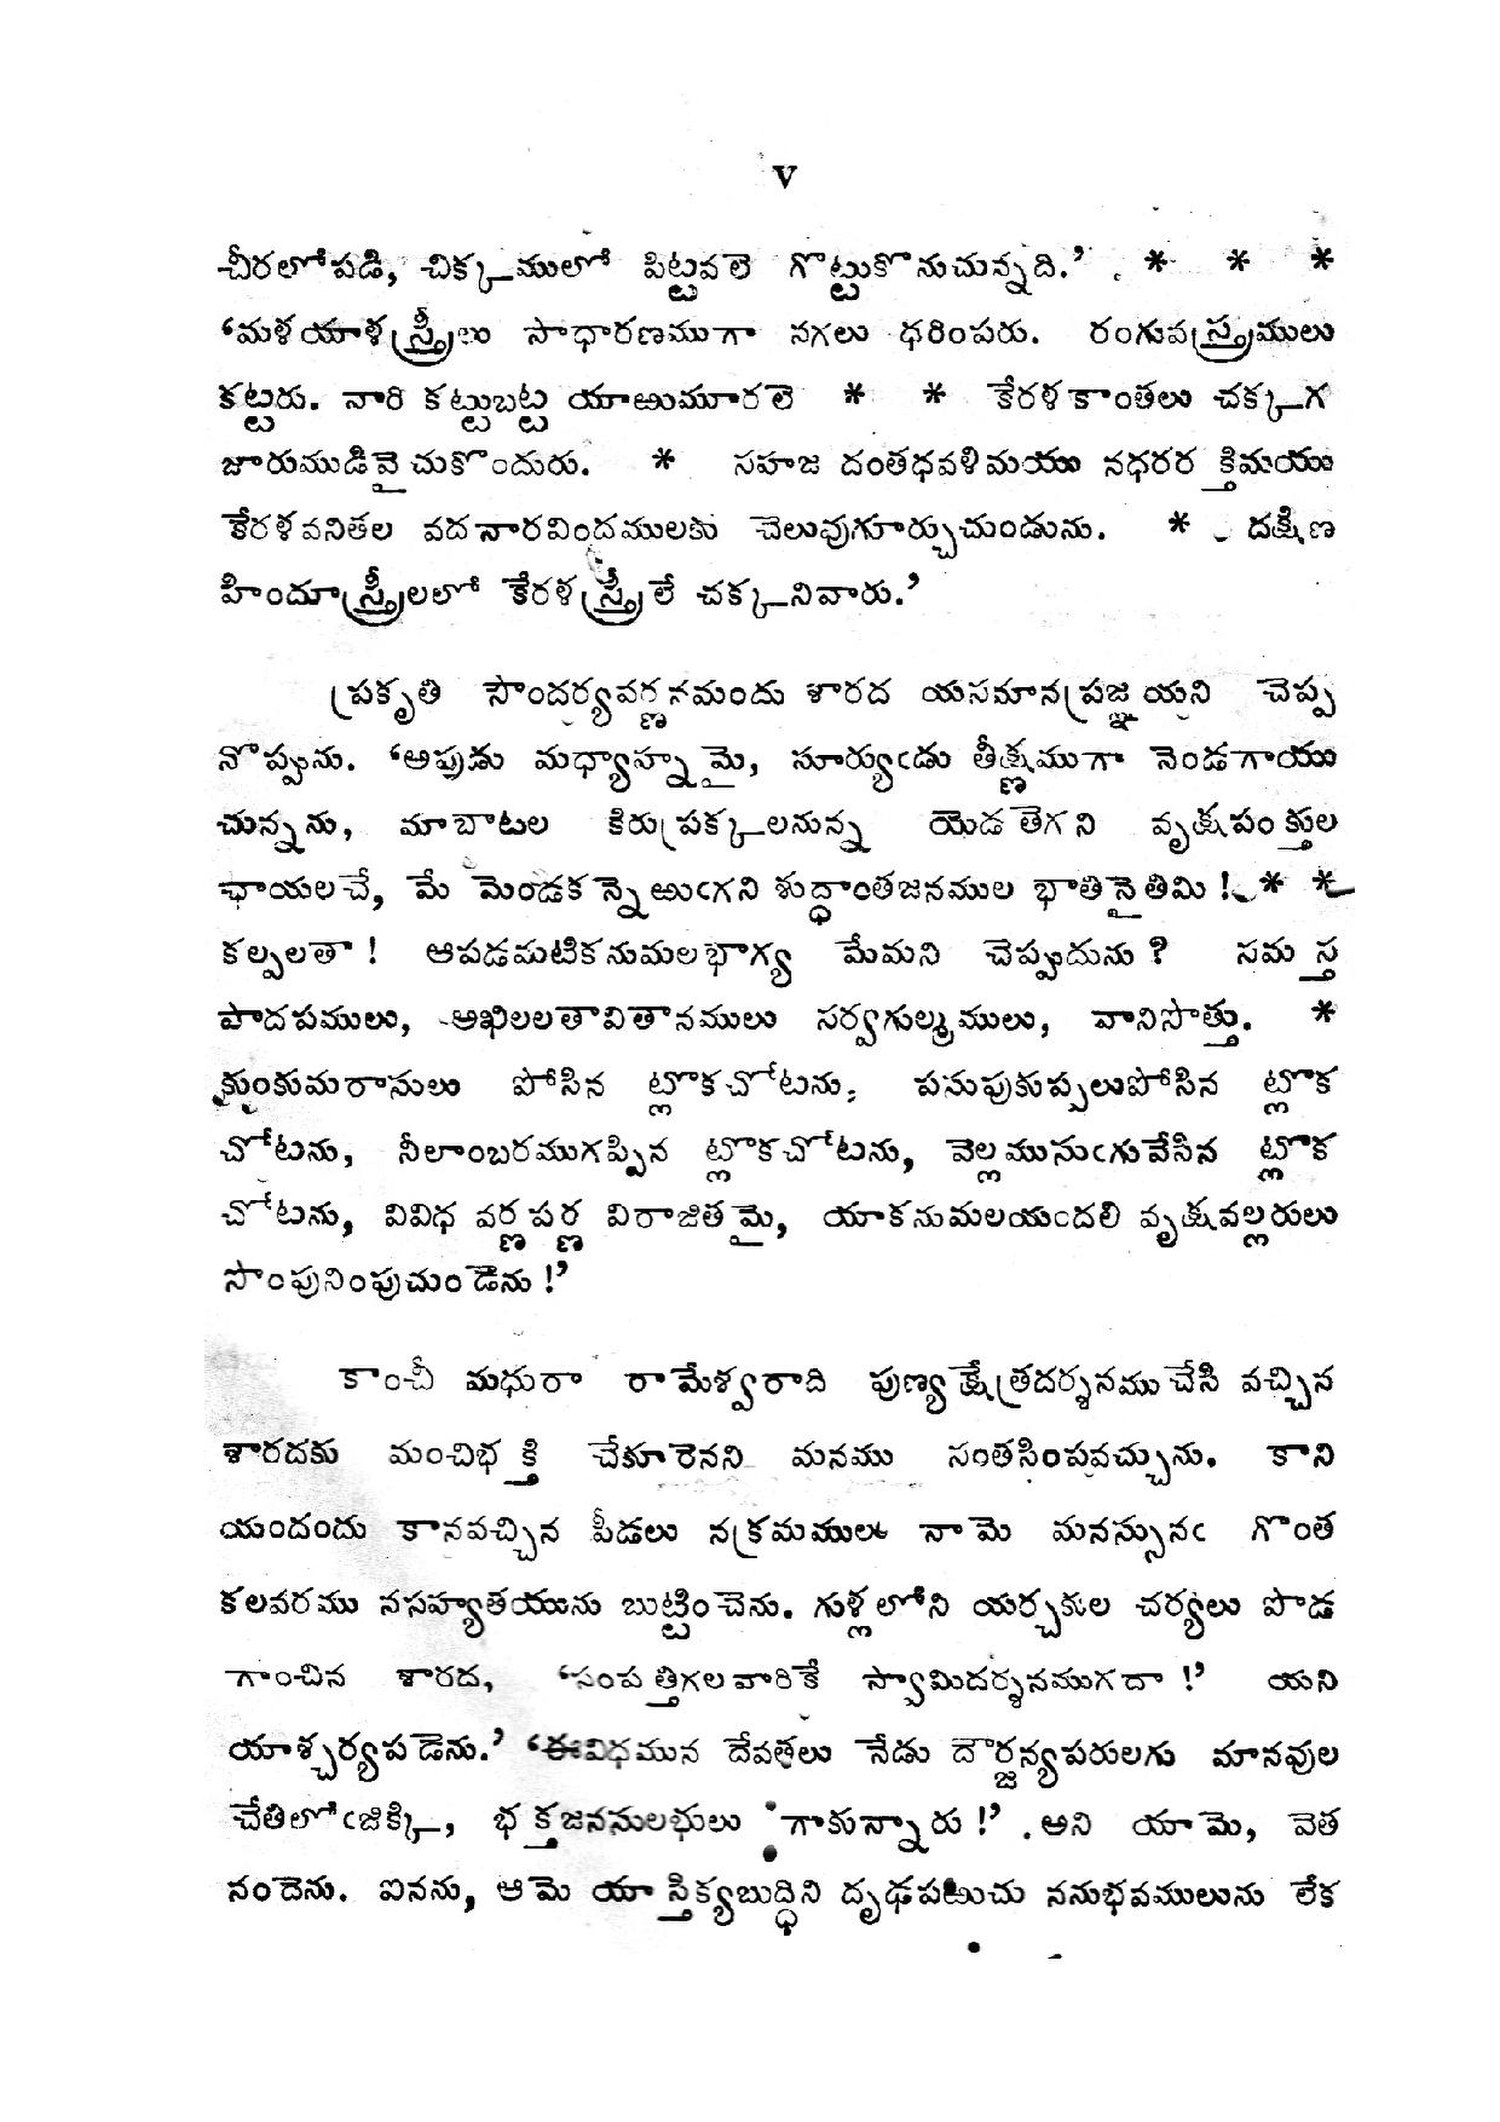చీరలోపడి, చిక్కములో పిట్టవలె గొట్టుకొనుచున్నది.' * * * 'మళయాళస్త్రీలు సాధారణముగా నగలు ధరింపరు. రంగువస్త్రములు కట్టరు. వారి కట్టుబట్ట యాఱుమూరలె * * కేరళ కాంతలు చక్కగ జారుముడివైచుకొందురు. * సహజ దంతధవళిమయు నధరరక్తిమయు కేరళవనితల వదనారవిందములకు చెలువుగూర్చుచుండును. * దక్షిణ హిందూస్త్రీలలో కేరళస్త్రీలే చక్కనివారు.'

ప్రకృతి సౌందర్యవర్ణనమందు శారద యసమానప్రజ్ఞ యని చెప్ప నొప్పును. 'అపుడు మధ్యాహ్నమై, సూర్యుఁడు తీక్ష్ణముగా నెండగాయుచున్నను, మాబాటల కిరుప్రక్కలనున్న యెడతెగని వృక్షపంక్తుల ఛాయలచే, మే మెండకన్నెఱుఁగని శుద్ధాంతజనముల భాతినైతిమి ! * * కల్పలతా ! ఆపడమటికనుమలభాగ్య మేమని చెప్పుదును? సమస్త పాదపములు, అఖిలలతావితానములు సర్వగుల్మములు, వానిసొత్తు. * కుంకుమరాసులు పోసిన ట్లొకచోటను, పసుపుకుప్పలుపోసిన ట్లొక చోటను, నీలాంబరముగప్పిన ట్లొకచోటను, వెల్లముసుఁగువేసిన ట్లొక చోటను, వివిధ వర్ణపర్ణ విరాజితమై, యాకనుమలయందలి వృక్షవల్లరులు సొంపునింపుచుండెను!'

కాంచీ మధురా రామేశ్వరాది పుణ్యక్షేత్రదర్శనముచేసి వచ్చిన శారదకు మంచిభక్తి చేకూరెనని మనము సంతసింపవచ్చును. కాని యందందు కానవచ్చిన పీడలు నక్రమముల నామె మనస్సునఁ గొంత
కలవరము నసహ్యతయును బుట్టించెను. గుళ్లలోని యర్చకుల చర్యలు పొడ గాంచిన శారద,
'సంపత్తిగలవారికే స్వామిదర్శనముగదా !' యని యాశ్చర్యపడెను.' ‘ఈవిధమున దేవతలు నేడు దౌర్జన్యపరులగు మానవుల చేతిలోఁజిక్కి, భక్తజనసులభులు గాకున్నారు!' అని యామె, వెతనందెను. ఐనను, ఆమె యాస్తిక్యబుద్ధిని దృఢపఱుచు ననుభవములును లేక